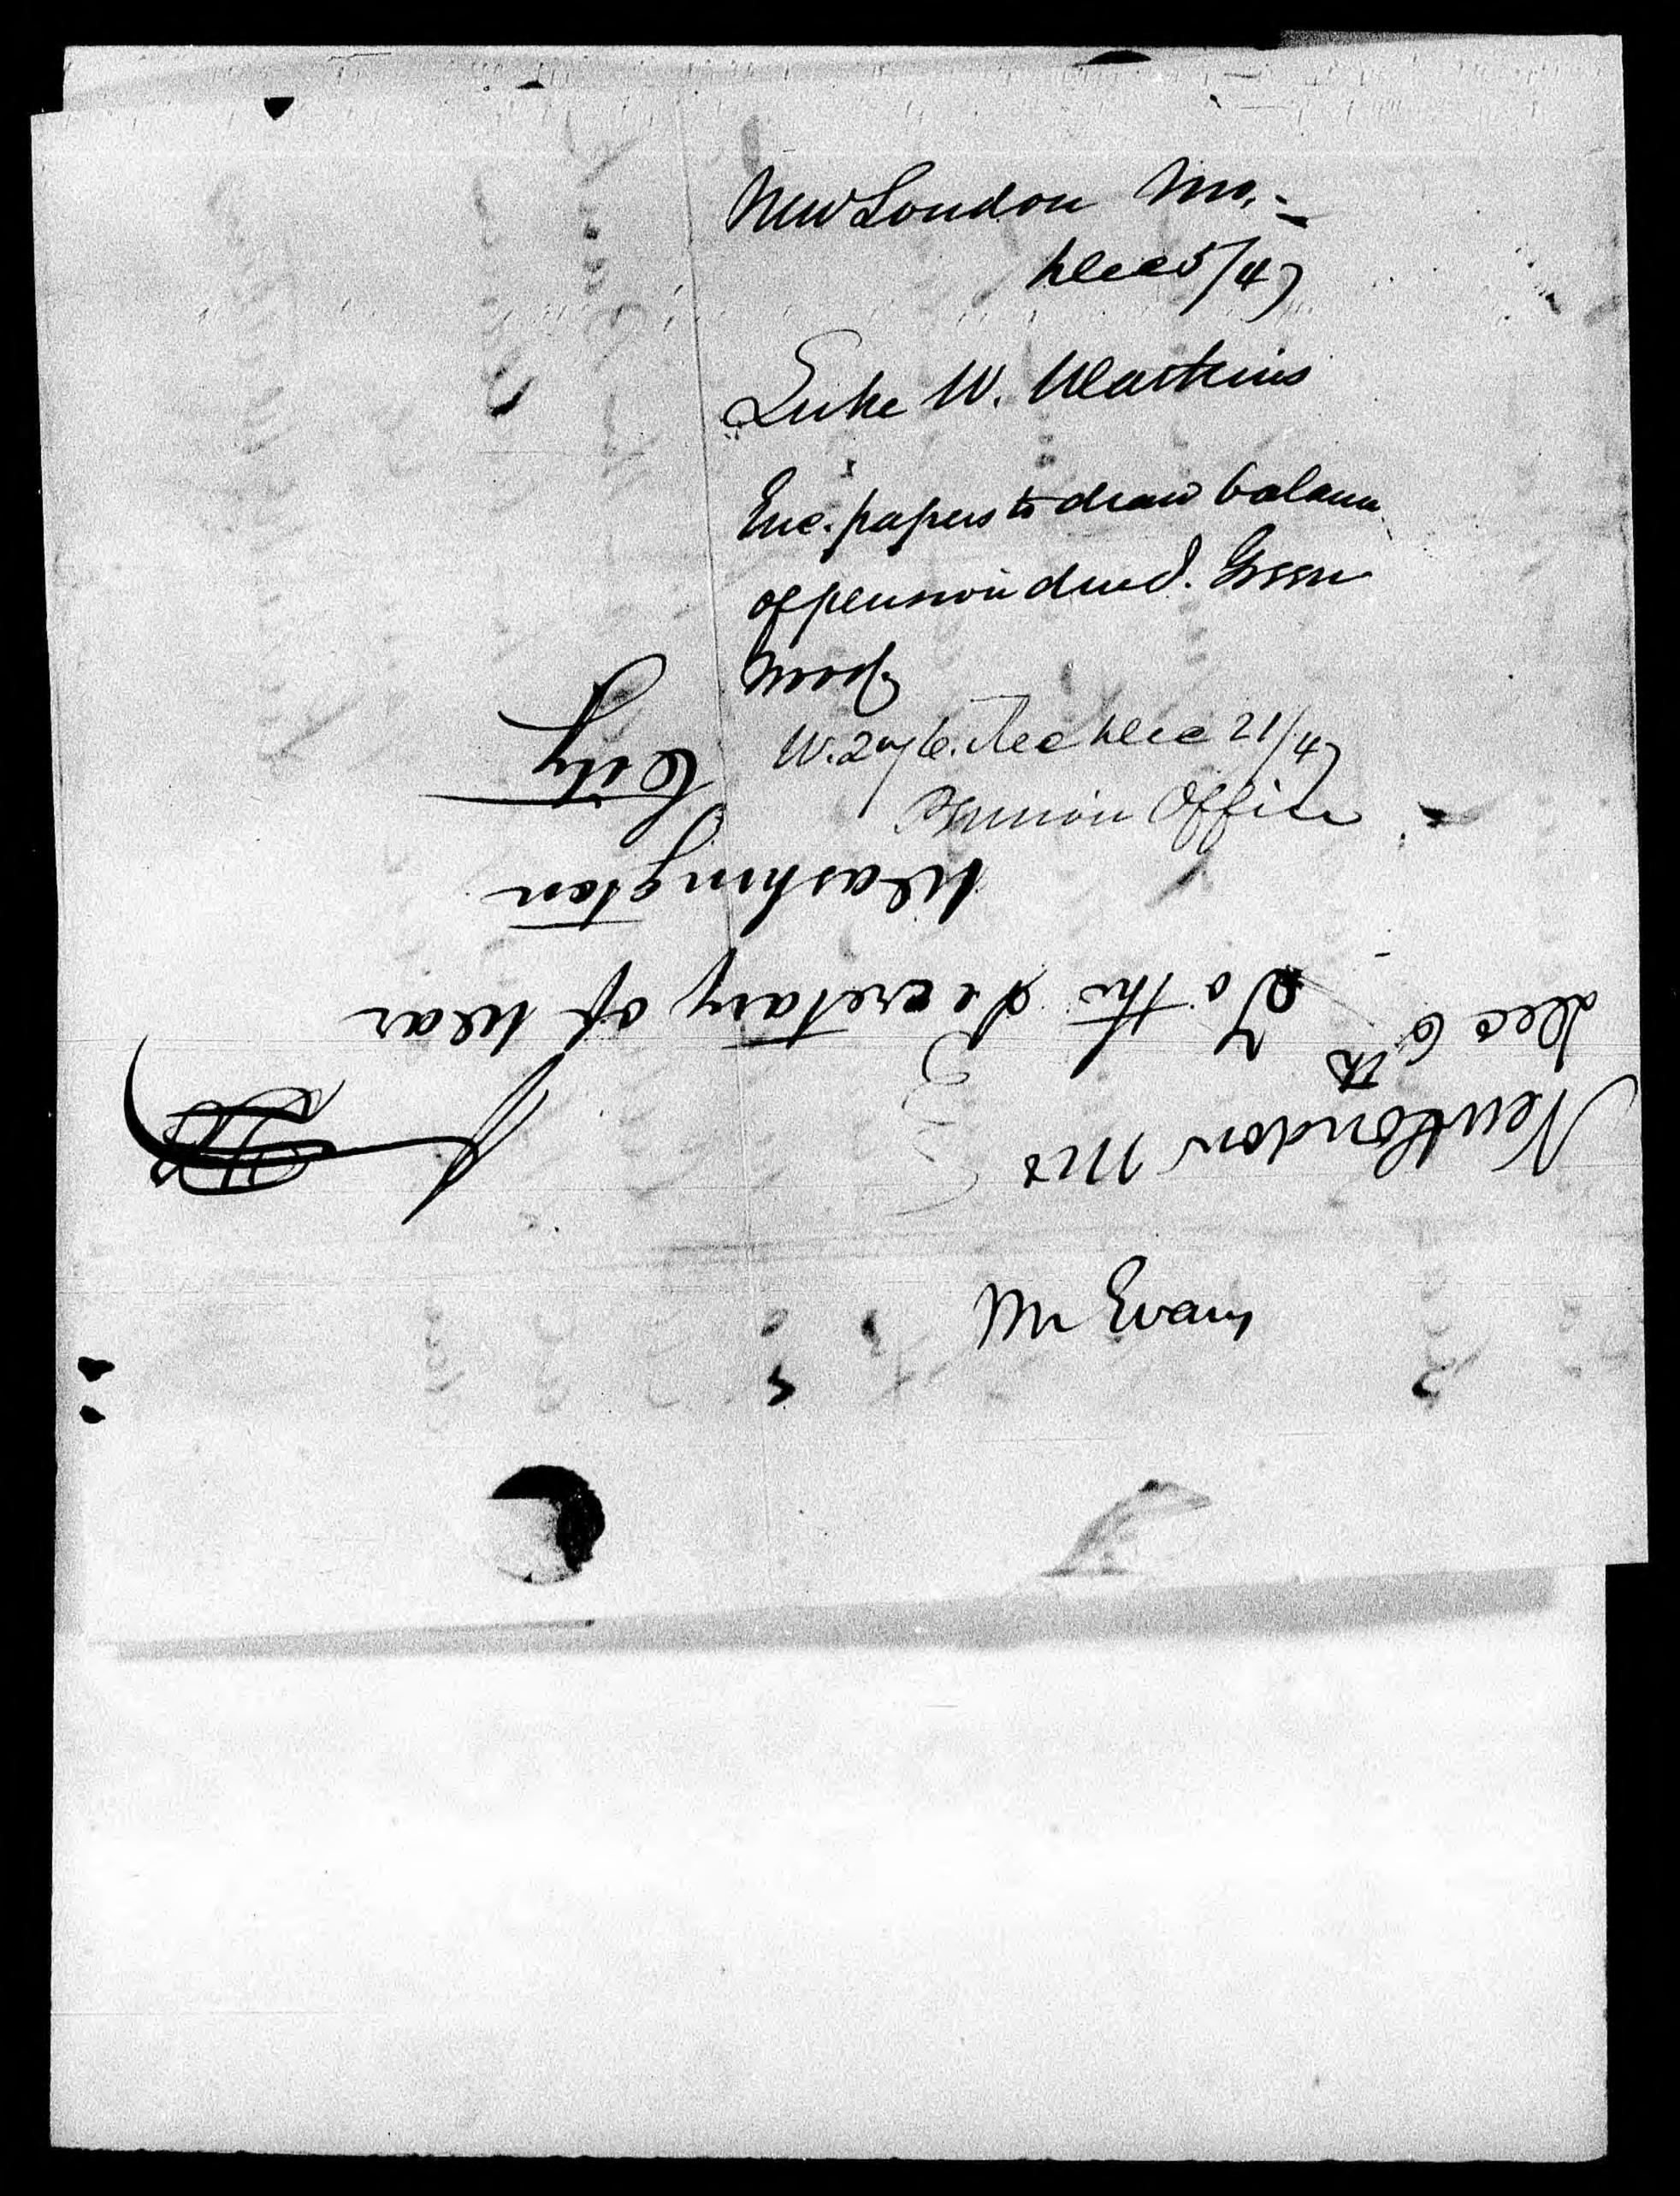New London, MS
illegible
Luke W Watkins
Enc. papers to draw balance of pension due Greenwood

W 2 yr 
Pension Office

Mr. Evans

New London
Dec 6th
To the Secretary of War
Washington City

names: Luke W Watkins, J Greenwood, Evans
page: 15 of 19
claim: survivor's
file: S. 16836, Ignatus Greenwell, Md.